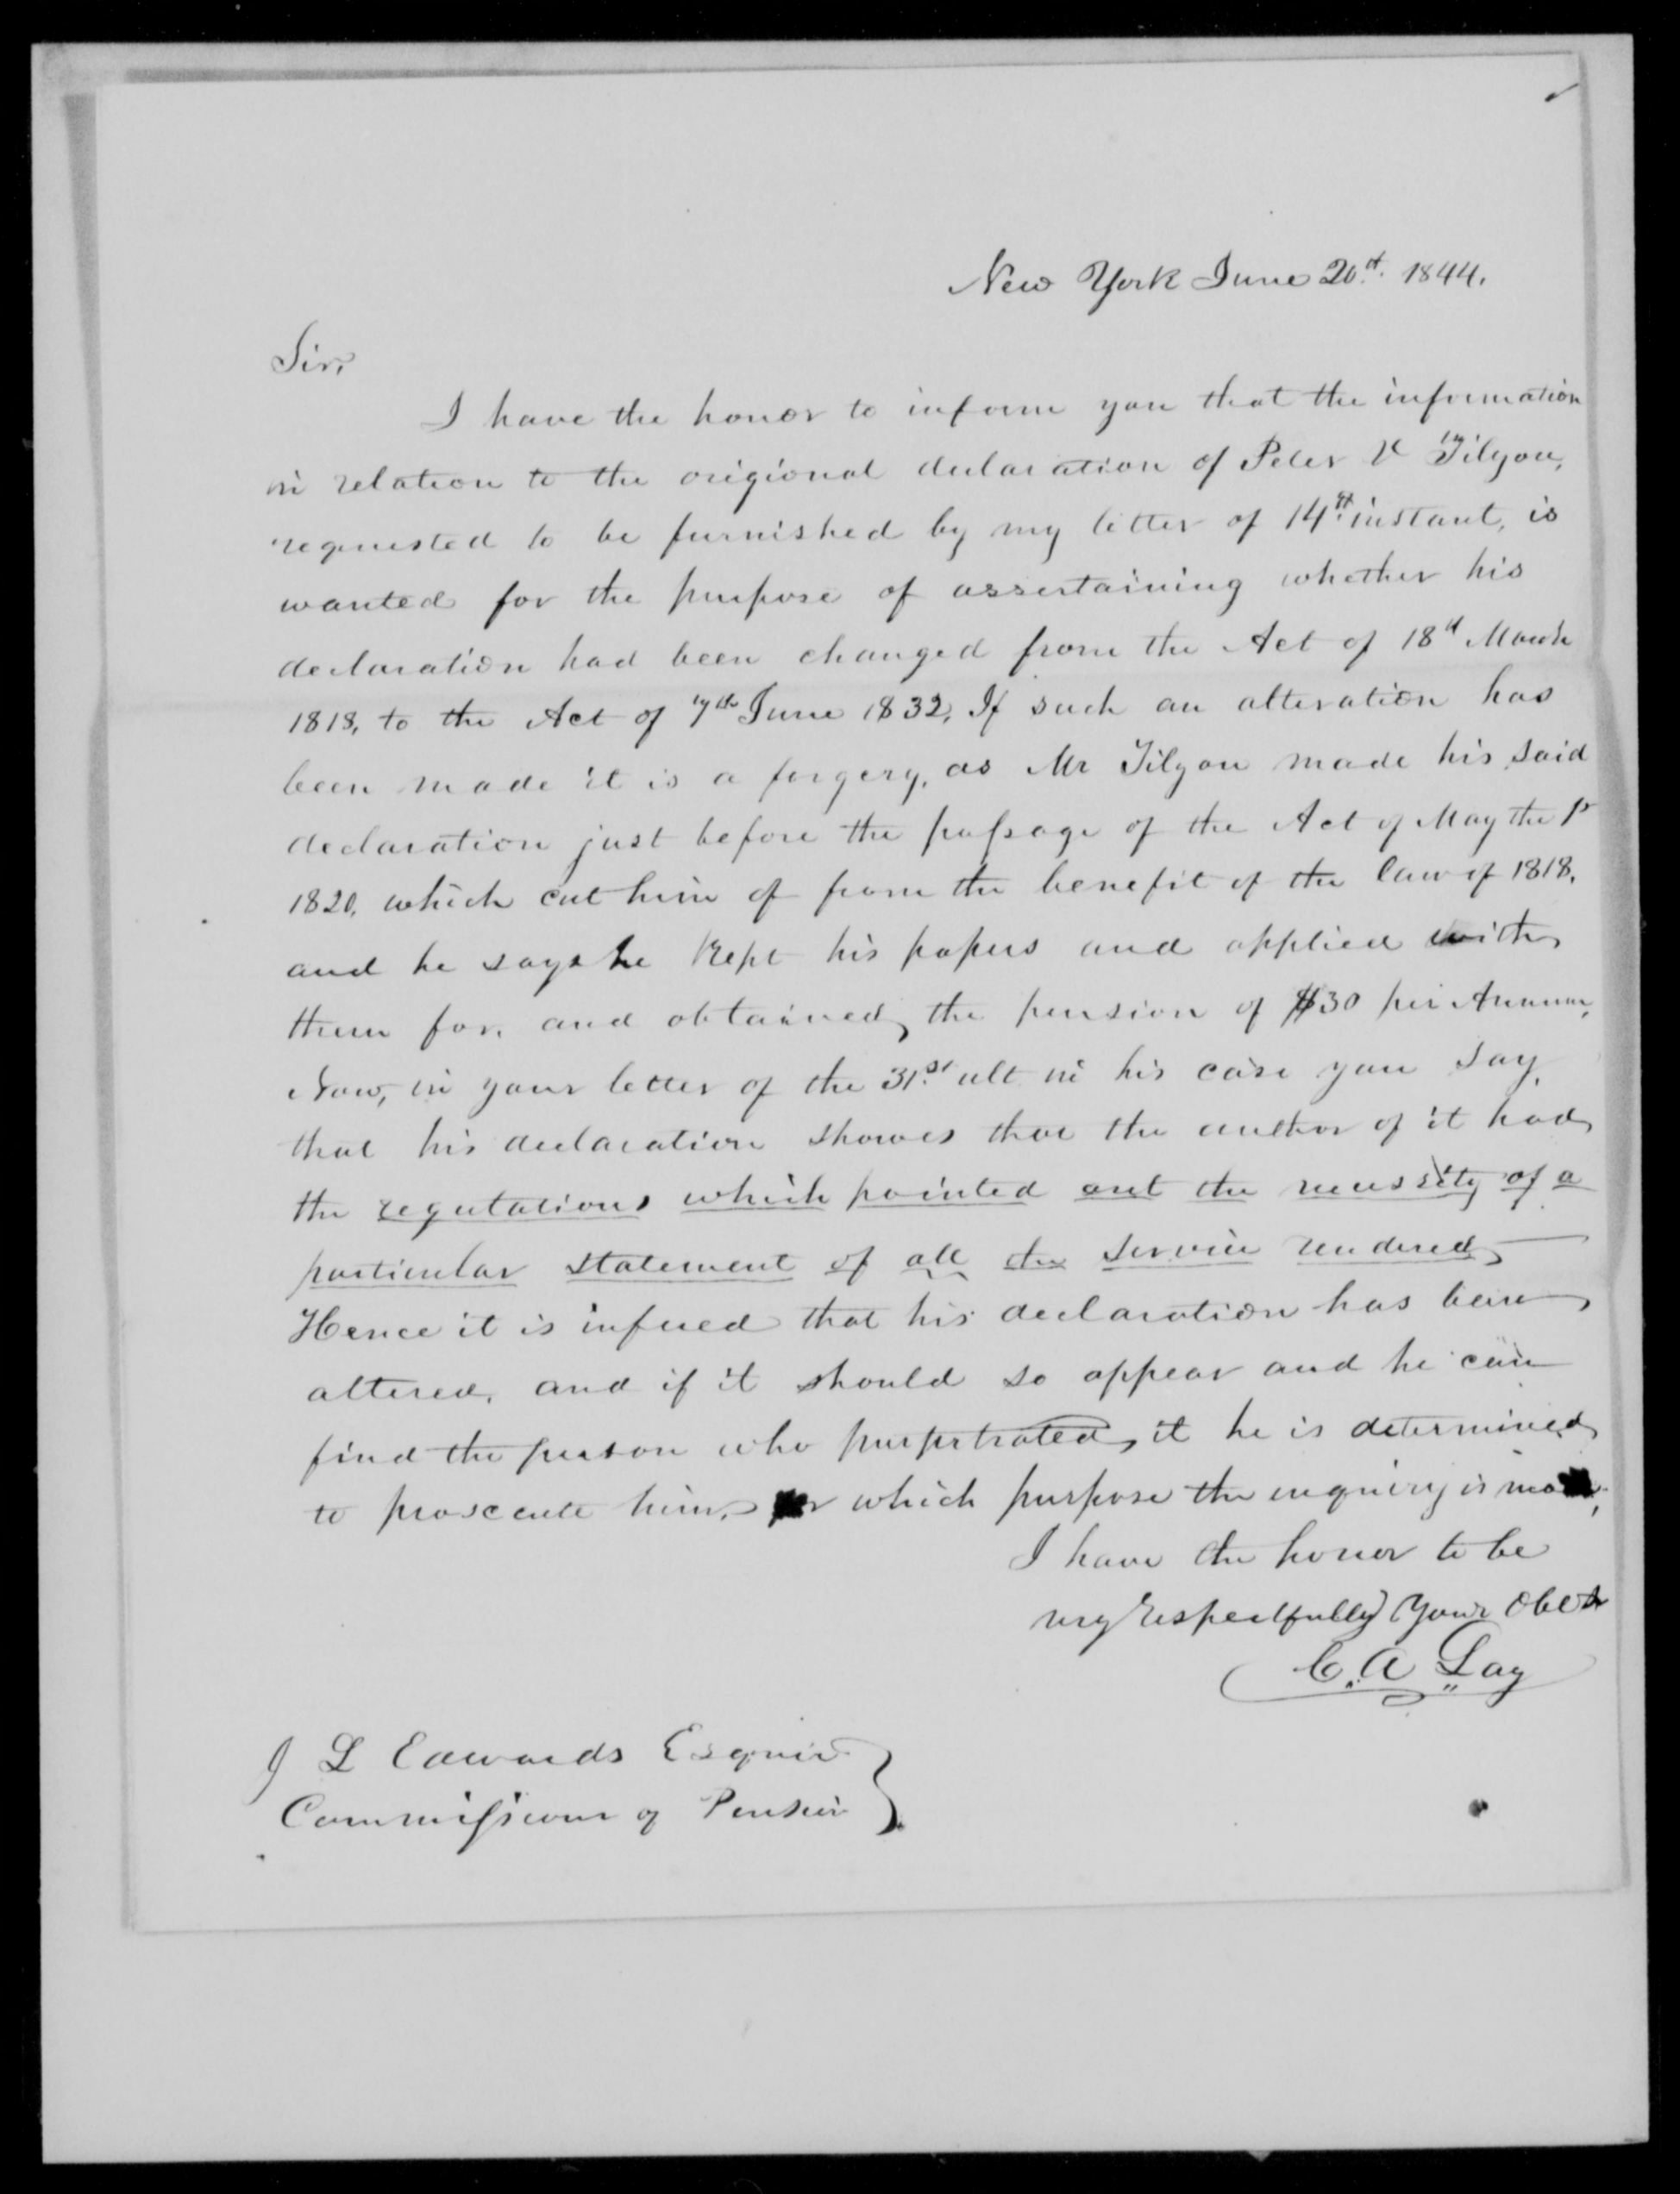New York June 20th 1844

Sir,

     I have the honor to inform you that the information in relation to the original declaration of Peter v. Tilyou requested to be furnished by my letter of 14th instant, is wanted for the purpose of ascertaining whether his declaration had been changed from the Act of 18th March 1818, to the Act of 7th of June 1832. If such an alteration has been made it is a forgery, as Mr. Tilyou made his said declaration just before the passage of the Act of May the 1st 1820, which cut him off from the benefit of the law of 1818, and he says he kept his papers and applied with them for, and obtained, the pension of $30 per Annum. Now, in your letter of the 31st ult in his case you say,that his declaration showes that the author of it had the regulations which pointed out the necessity of a particular statement of all the service rendered ------
Hence it is inferred that his declaration has been altered, and if it should so appear and he can find the person who perpetrated it he is determined to prosecute him, which purpose the inquiry is made.

                       I have the honor to be
                       very respectfully your obed
                        C A Lay

J L Edwards Esquire
Commissioner of Pension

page: 33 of 101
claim: widow's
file: W. 25481, for Peter V Tilyou, New Jersey